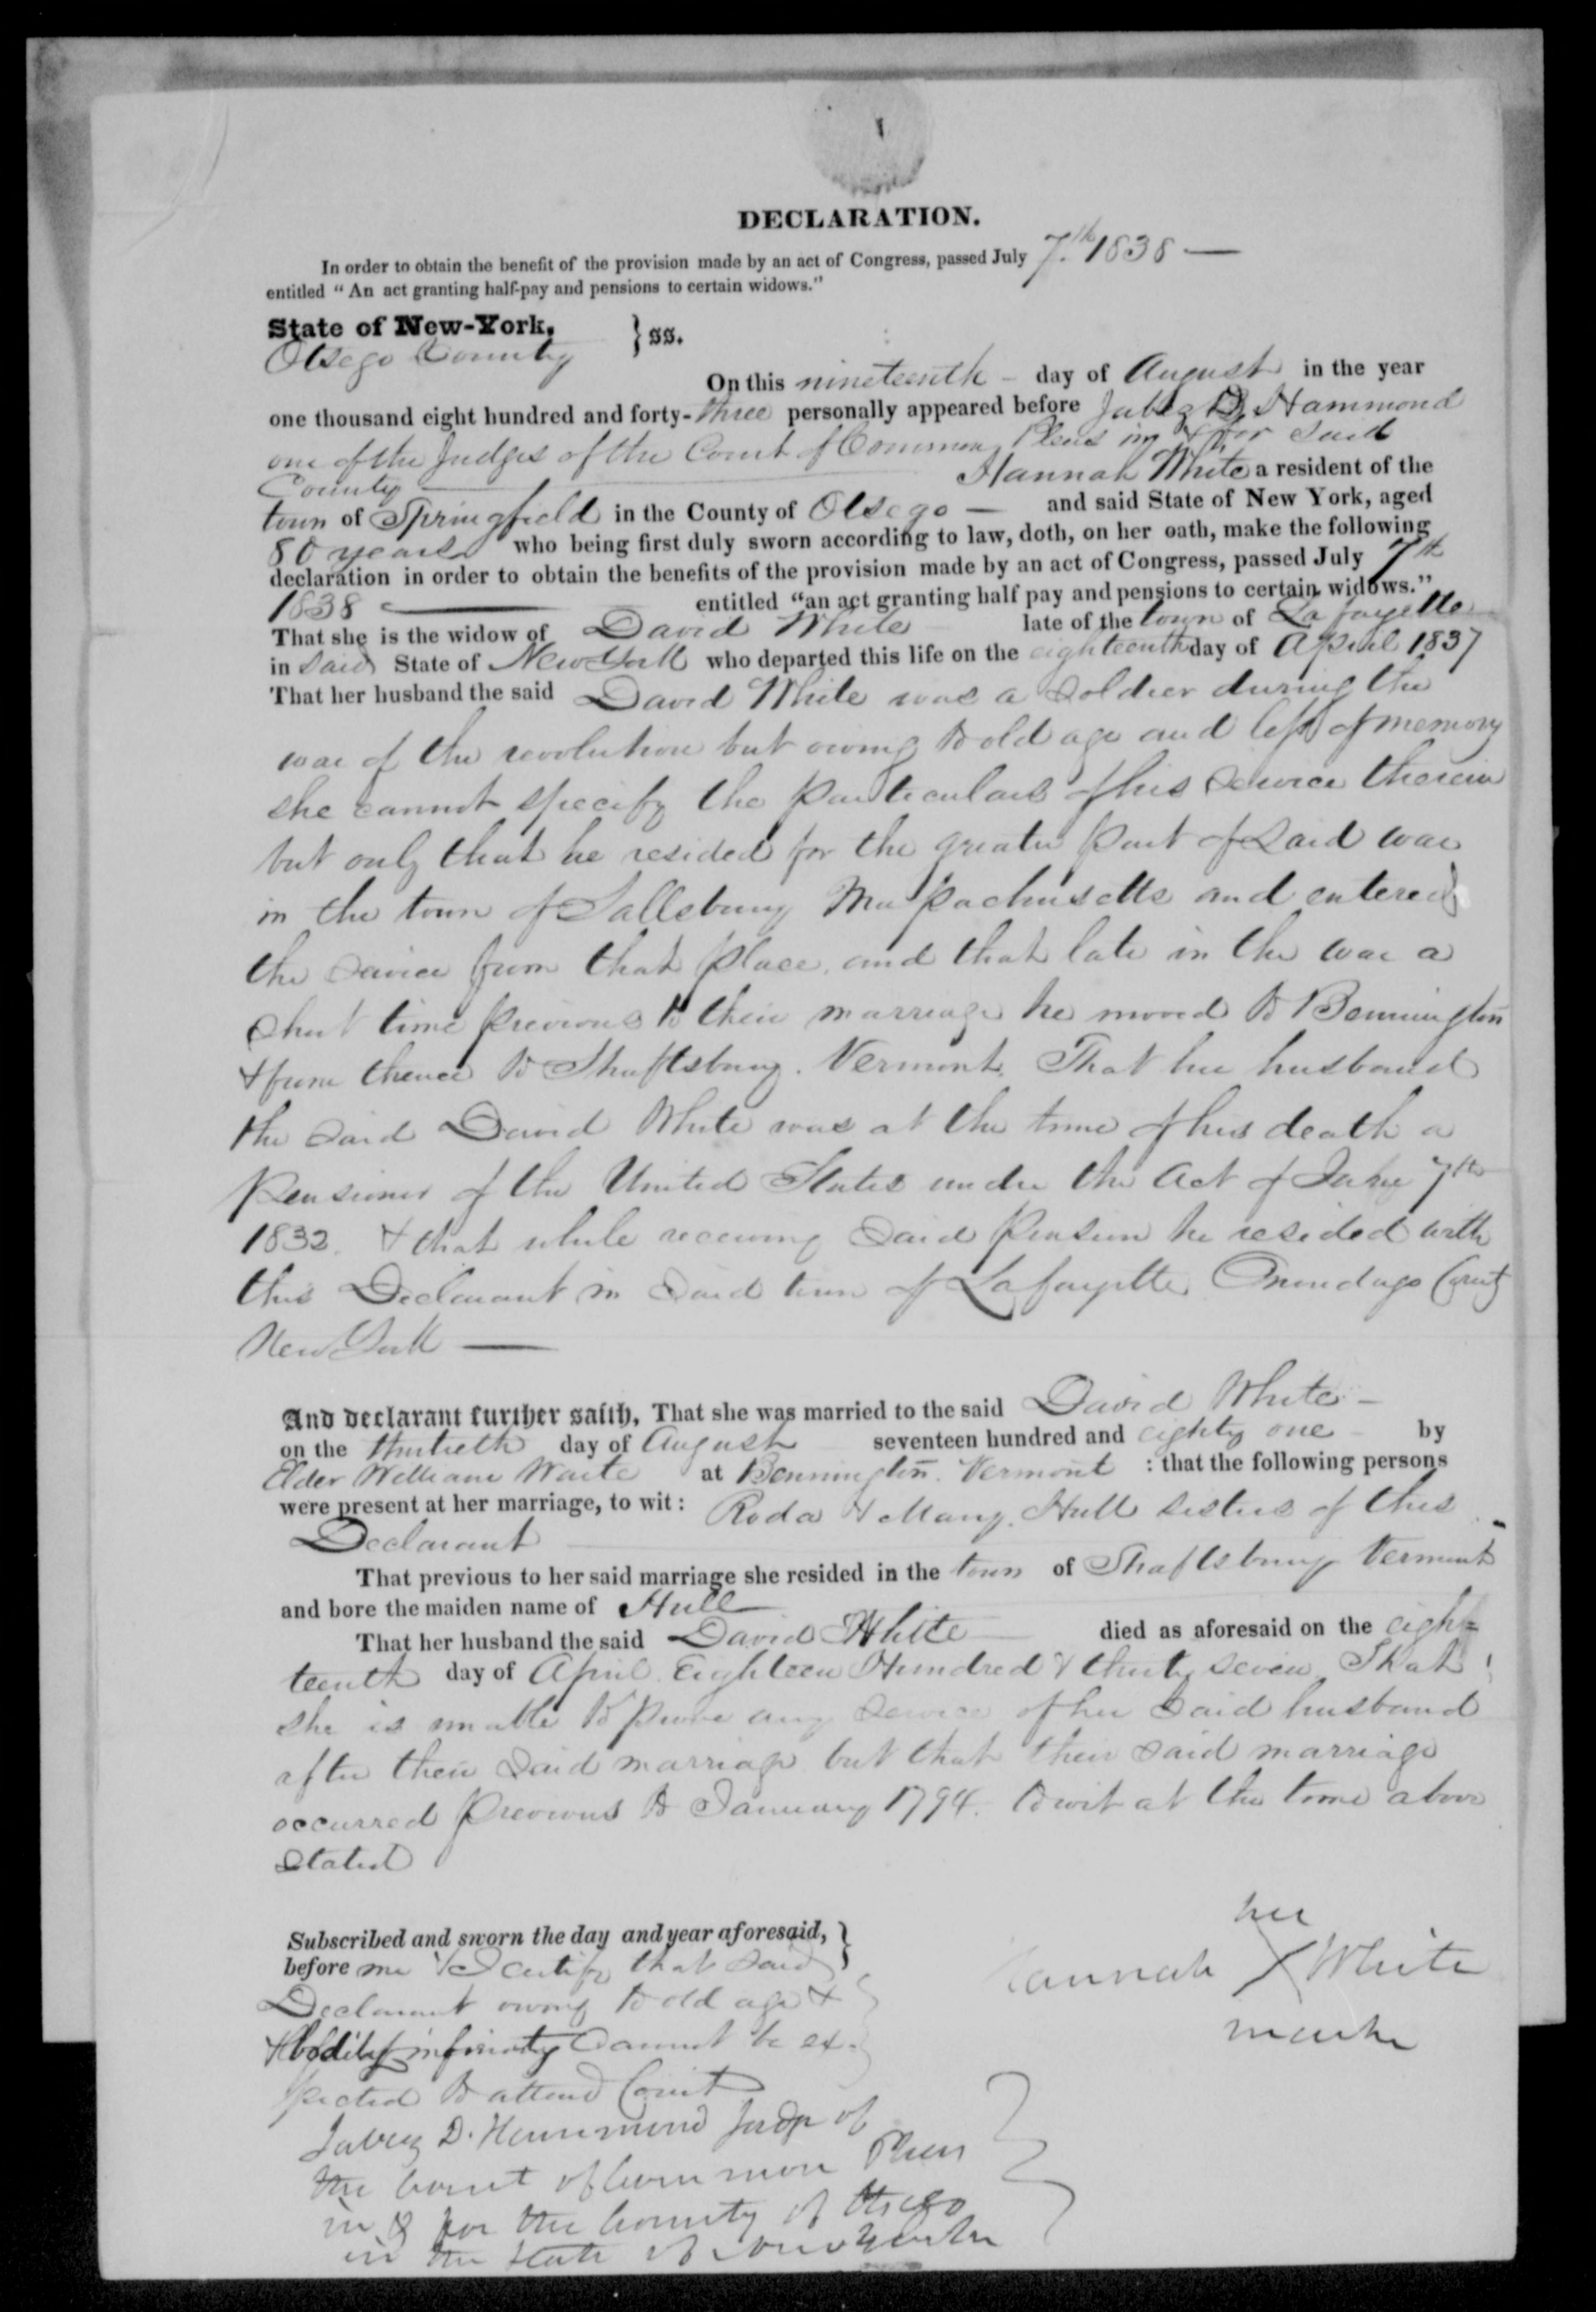DECLARATION.

In order to obtain the benefit of the provision made by an act of Congress, passed July 7th 1838--entitled "An act granting half-pay and pensions to certain widows."

State of New-York}
Otsego County} ss.

On this nineteenth day of August in the year one thousand eight hundred and forty-three personaly appeared before Jabez D. Hammond one of the Judges of the Court of Common Pleas in and for Said County----Hannah White a resident of the town of Springfield in the County of Otsego--and said State of New York, aged 80 years who being first duly sworn according to law, doth, on her oath, make the following declaration in order to obtain the benefits of provision made by an act of Congress, passed July 7th 1838-----entitled "an act granting half pay and pensions to certain widows." That she is the widow of David White late of the town of Lafayette in said State of New York who departed this life on the eighteenth day of April 1837; That her husband the said David White was a soldier during the war of the revolution but owing to old age and loss of memory she cannot specify the particulars of his service therein but only that he resided for the greater part of said war in the town of Salisbury Massachusetts and entered the service from that place and that late in the war a short time previous to their marriage he moved to Bennington (Vermont) & from there to Shaftsbury, Vermont; That her husband the said David White was at the time of his death a pensioner of the United States under the Act of June 7th 1832 & that while receiving said pension he resided with this Declarant in said town of Lafayette Onondaga County New York--
And Declarant further saith, That she was married to the said David White on the thirtieth day of August seventeen hundred and eighty one by Elder William Waite at Bennington Vermont; that the following persons were present at her marriage, to wit:  Roda H. Mary Hull sister of this Declarant--------That previous to her said marriage she resided in the town of Shaftsbury Vermont and bore the maiden name of Hull; That her husband the said David White died as aforesaid on the eighteenth day of April Eighteen Hundred & thirty seven; That she is unable to provide any Service of her said husband after their said marriage but that their said marriage occurred previous to January 1794 to wit at the time above stated.

Hannah X (her mark) White

Subscribed and sworn the day and year aforesaid, before me, I certify that said Declarant owing to old age & bodily infirmity cannot be expected to attend Court}

Jabez D Hammond Judge of the Court of Common Pleas in the state of New York.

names: Jabez D Hummond, Mary Hull, William Waite, Hannah White, Jabez D Hammond, Roda Hull, David White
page: 19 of 63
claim: widow's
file: W. 18403, David White, Conn.